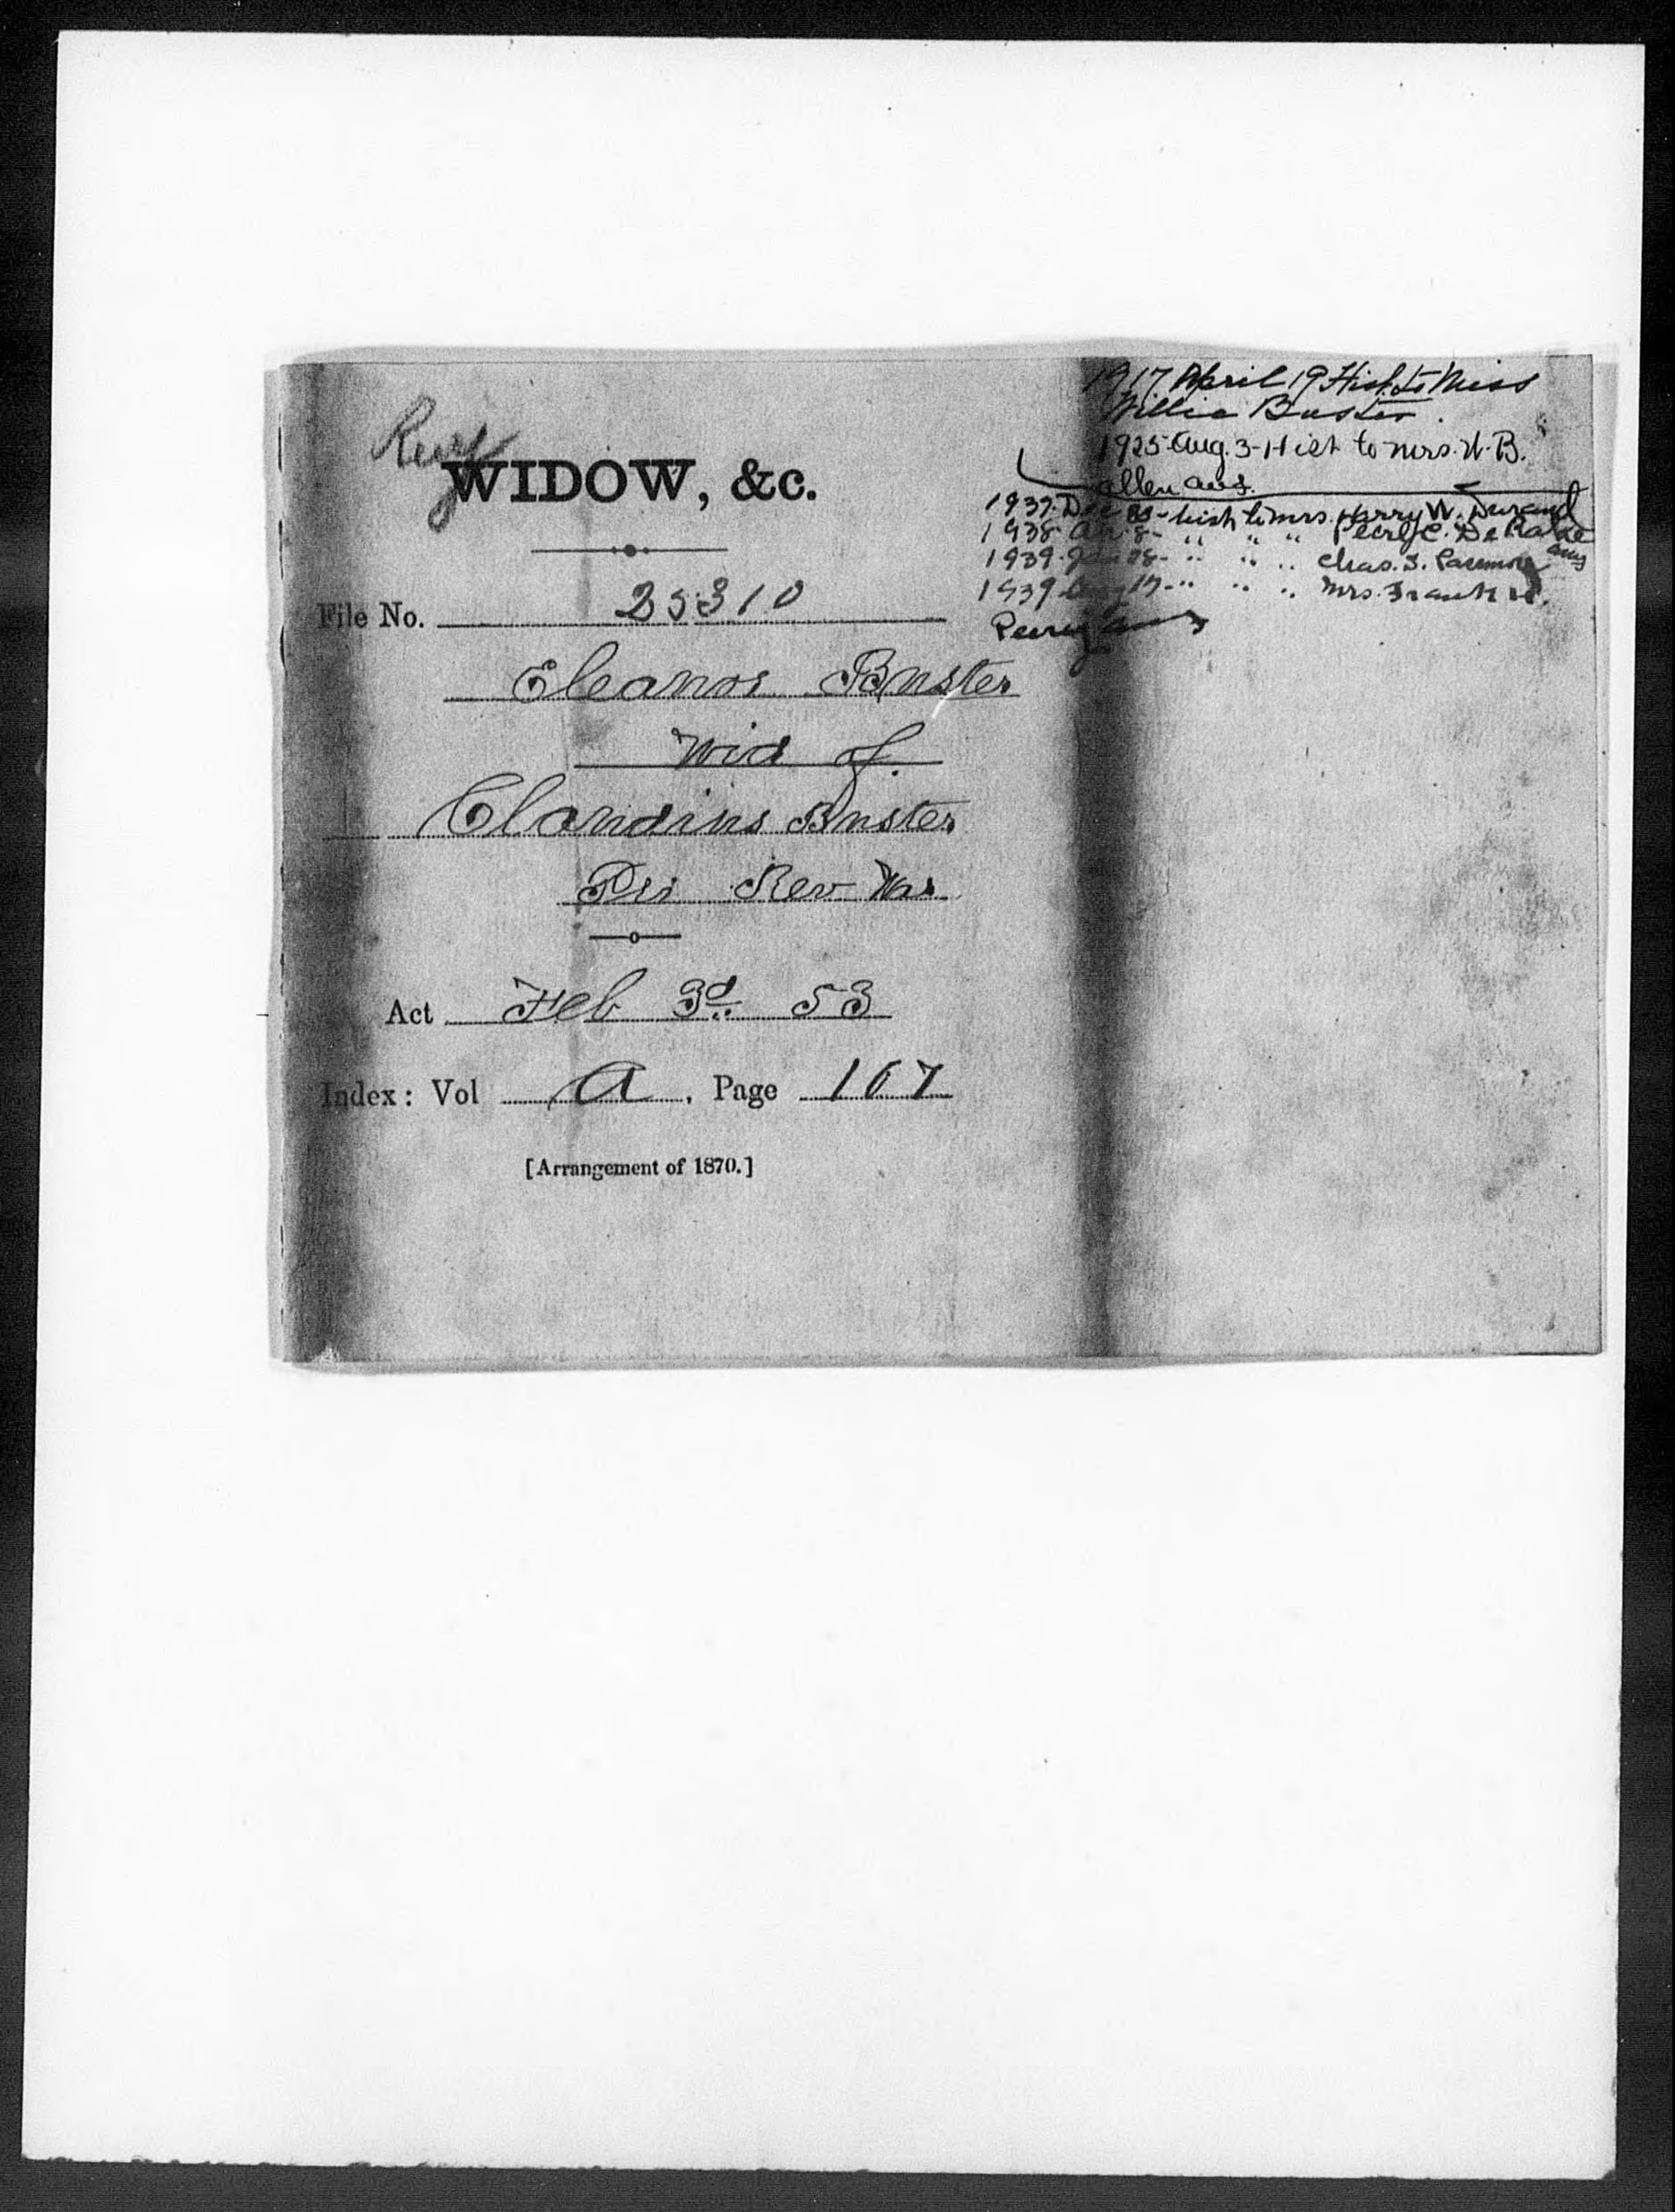Revy WIDOW, &c.
File No. 25310
Eleanor Buster 
wid of
Claudius Buster
Pri Rev War

Act Feb 3d 53
Index: Vol A, Page 167

[Arrangement of 1870.]

1917 April 19 Hist to Miss Willie Buster.

1925 Aug. 3- Hist to Mrs. W. B. Allen AUF

1937. Dec 30- hist to Mrs. Harry W. Durand

1938. Apr 8-   "  "  "  Pearl C. DeBake

1939. Jan 28-  "  "  "  Chas. S. Pacemore

1939. Aug. 17-  "  "  " Mrs. Frank H. Peery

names: Claudius Buster, Chas S Palmer, Frank H Peery, Pearl C De Rake, Willie Buster, W B Allen, Harry W Durand, Eleanor Buster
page: 44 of 71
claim: widow's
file: W. 25310, Claudius Buster, Va.